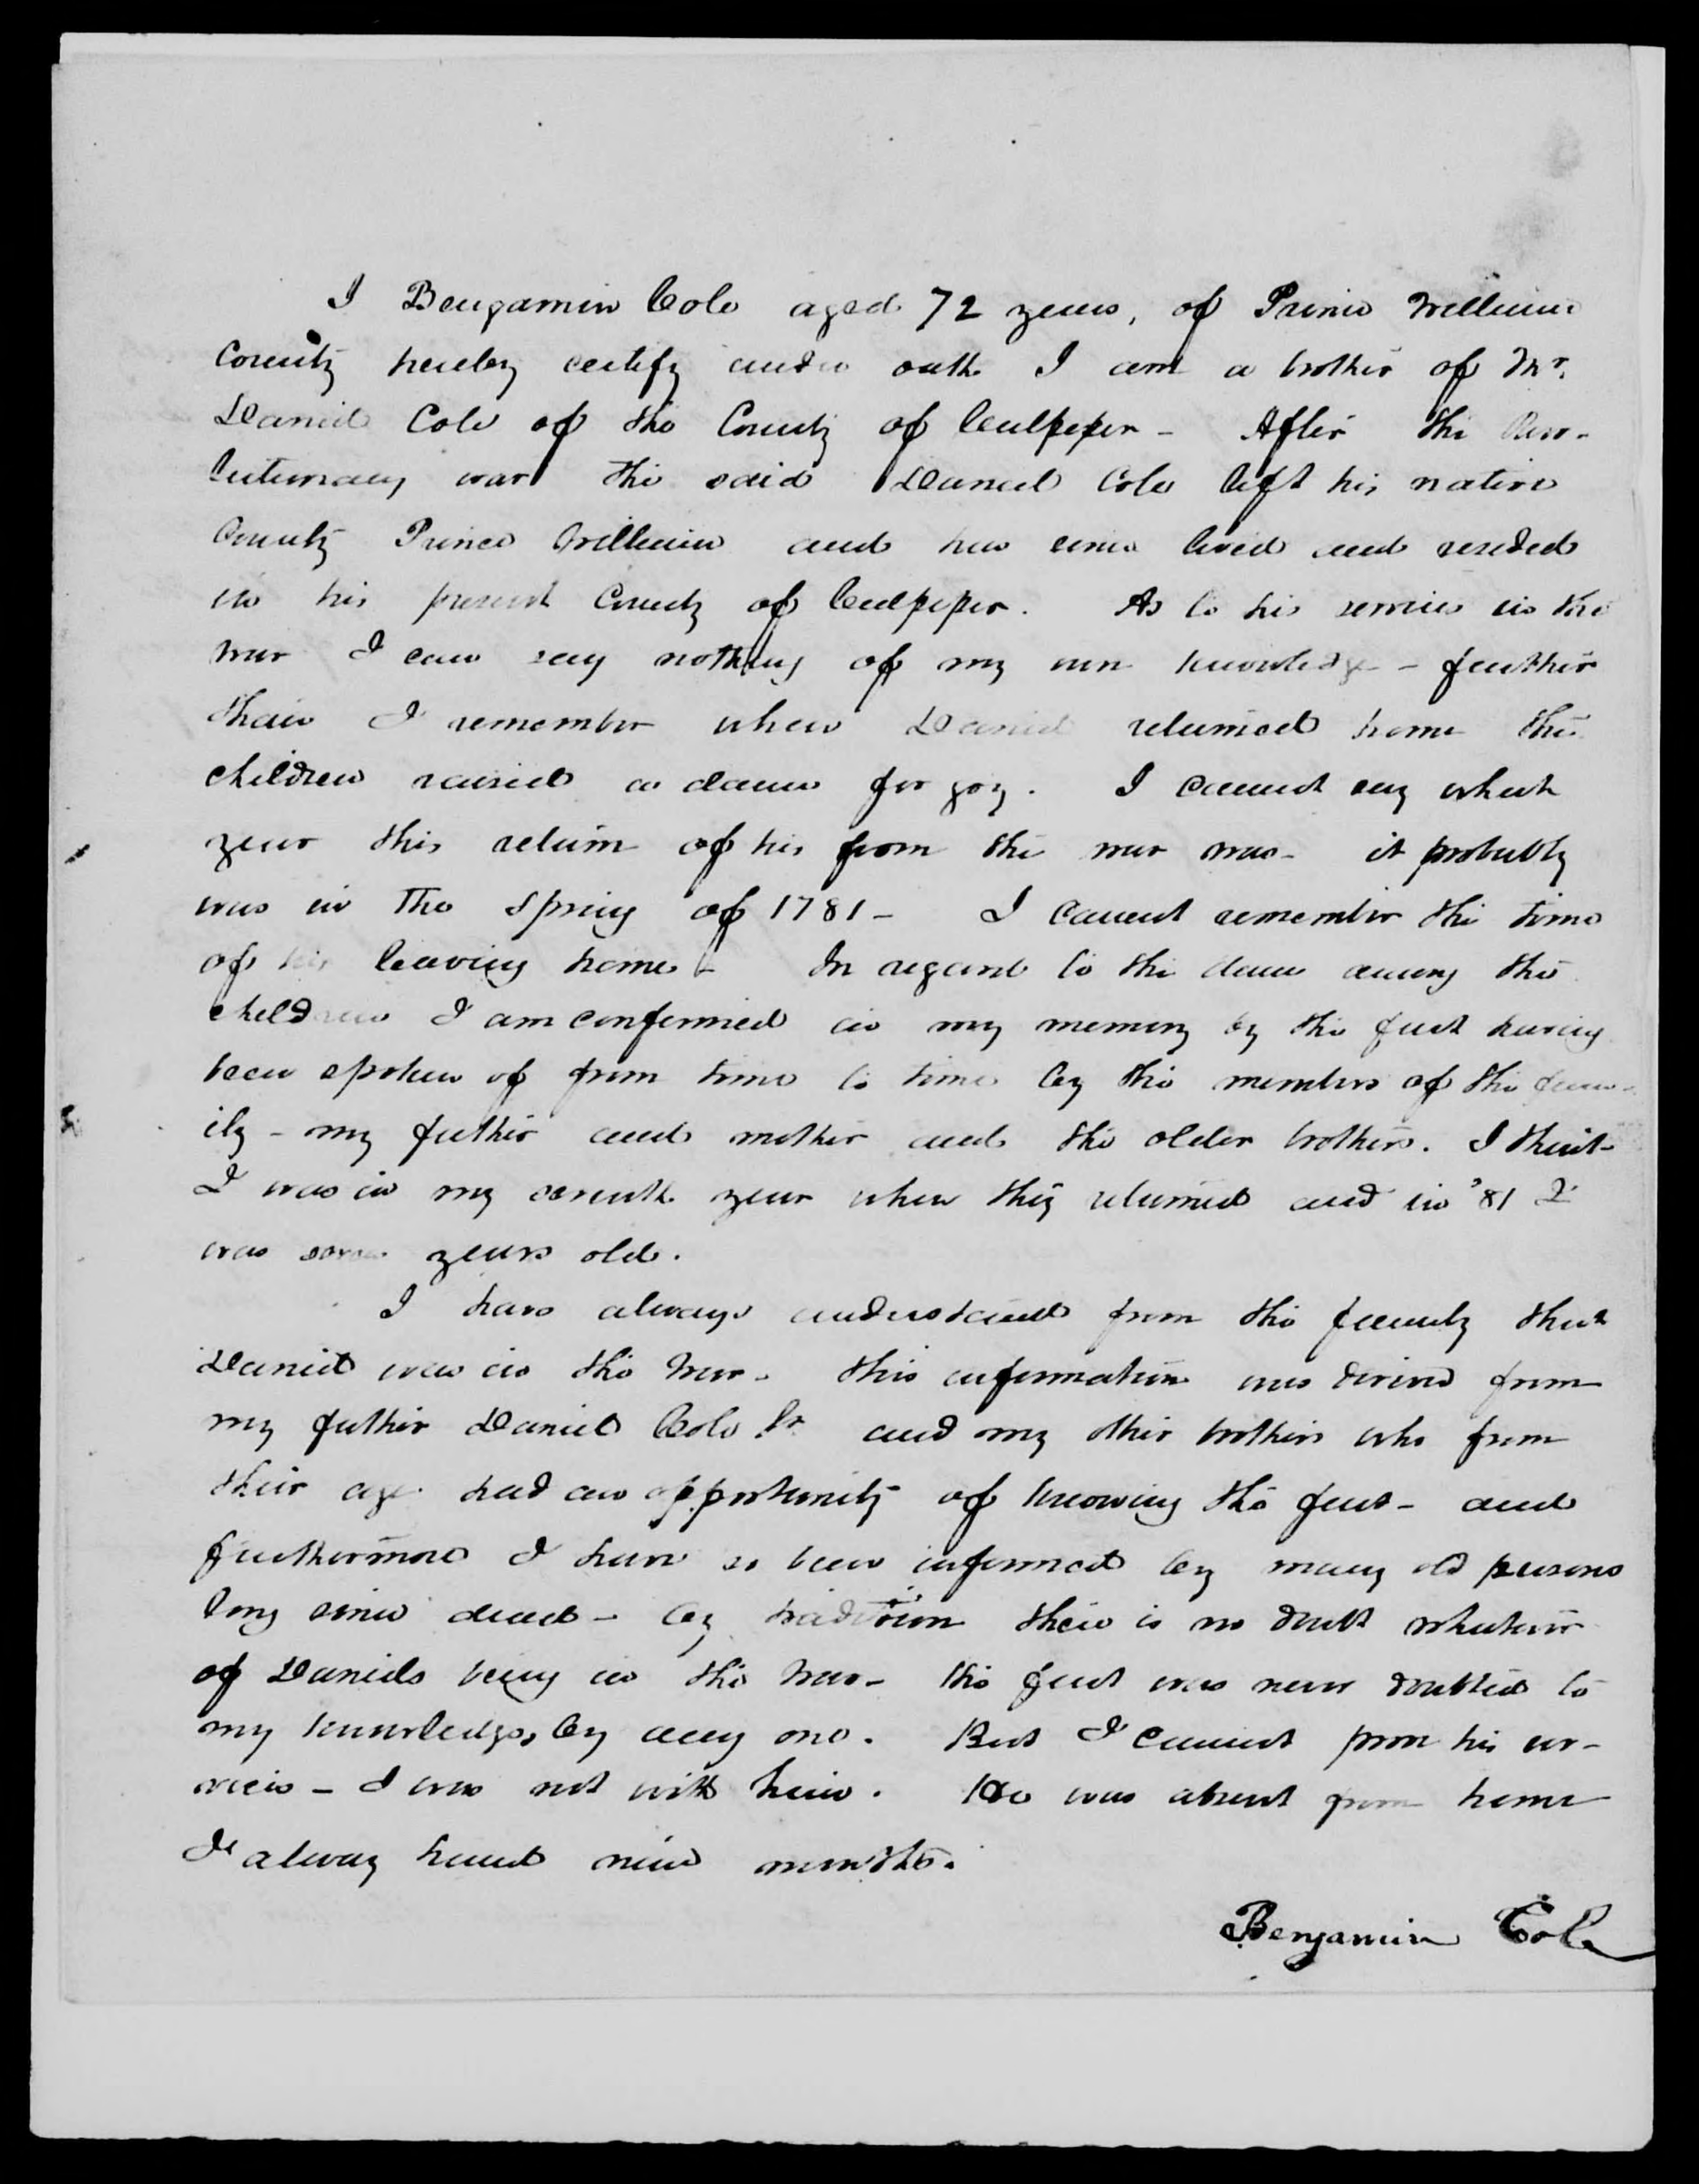I Benjamin Cole aged 72 years of Prince William County hereby certify under oath I am a brother of Mr Daniel Cole of the County of Culpeper. After the Revolutionary war the said Daniel Cole left his native County Prince William and he since lived and resided in his present County of Culpeper. As to his services in the as I can say nothing of my own  knowledge-- further have I remember when Daniel returned home the children raised a xxx for joy. I cannot say what year this return of his from the war was it probably was in the spring of 1781. I cannot remember the time of his leaving home & In regard to the dance among the children I am confirmed in my memory by this first having been spoken of from time to time by the members of the family my father and mother and this older brothers. I think
I was in my seventh year when this returned and in 1881 was same years old.
I have always understand from the family that
Daniel was in the war this information is derived from my father Daniel Cole Sr and my other brothers who from their age had an opportunity of knowing the fact and
furthermore I had so been informed by many old persons long since deced [deceased] - by tradition there is no doubt whatever of Daniels being in the war  This fact was never doubted to my knowledge, by any one. But I cannot [illegible]  his services - I was not with him. He was absent from home. I always heard nine months.
Benjamin Cole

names: Daniels, Daniel Cole, Daniel, Benjamin Cole, Daniel Cole, Daniel, Benjamin Cole, Daniel Cole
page: 49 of 61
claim: survivor's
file: S. 8236, Daniel Cole, Va.